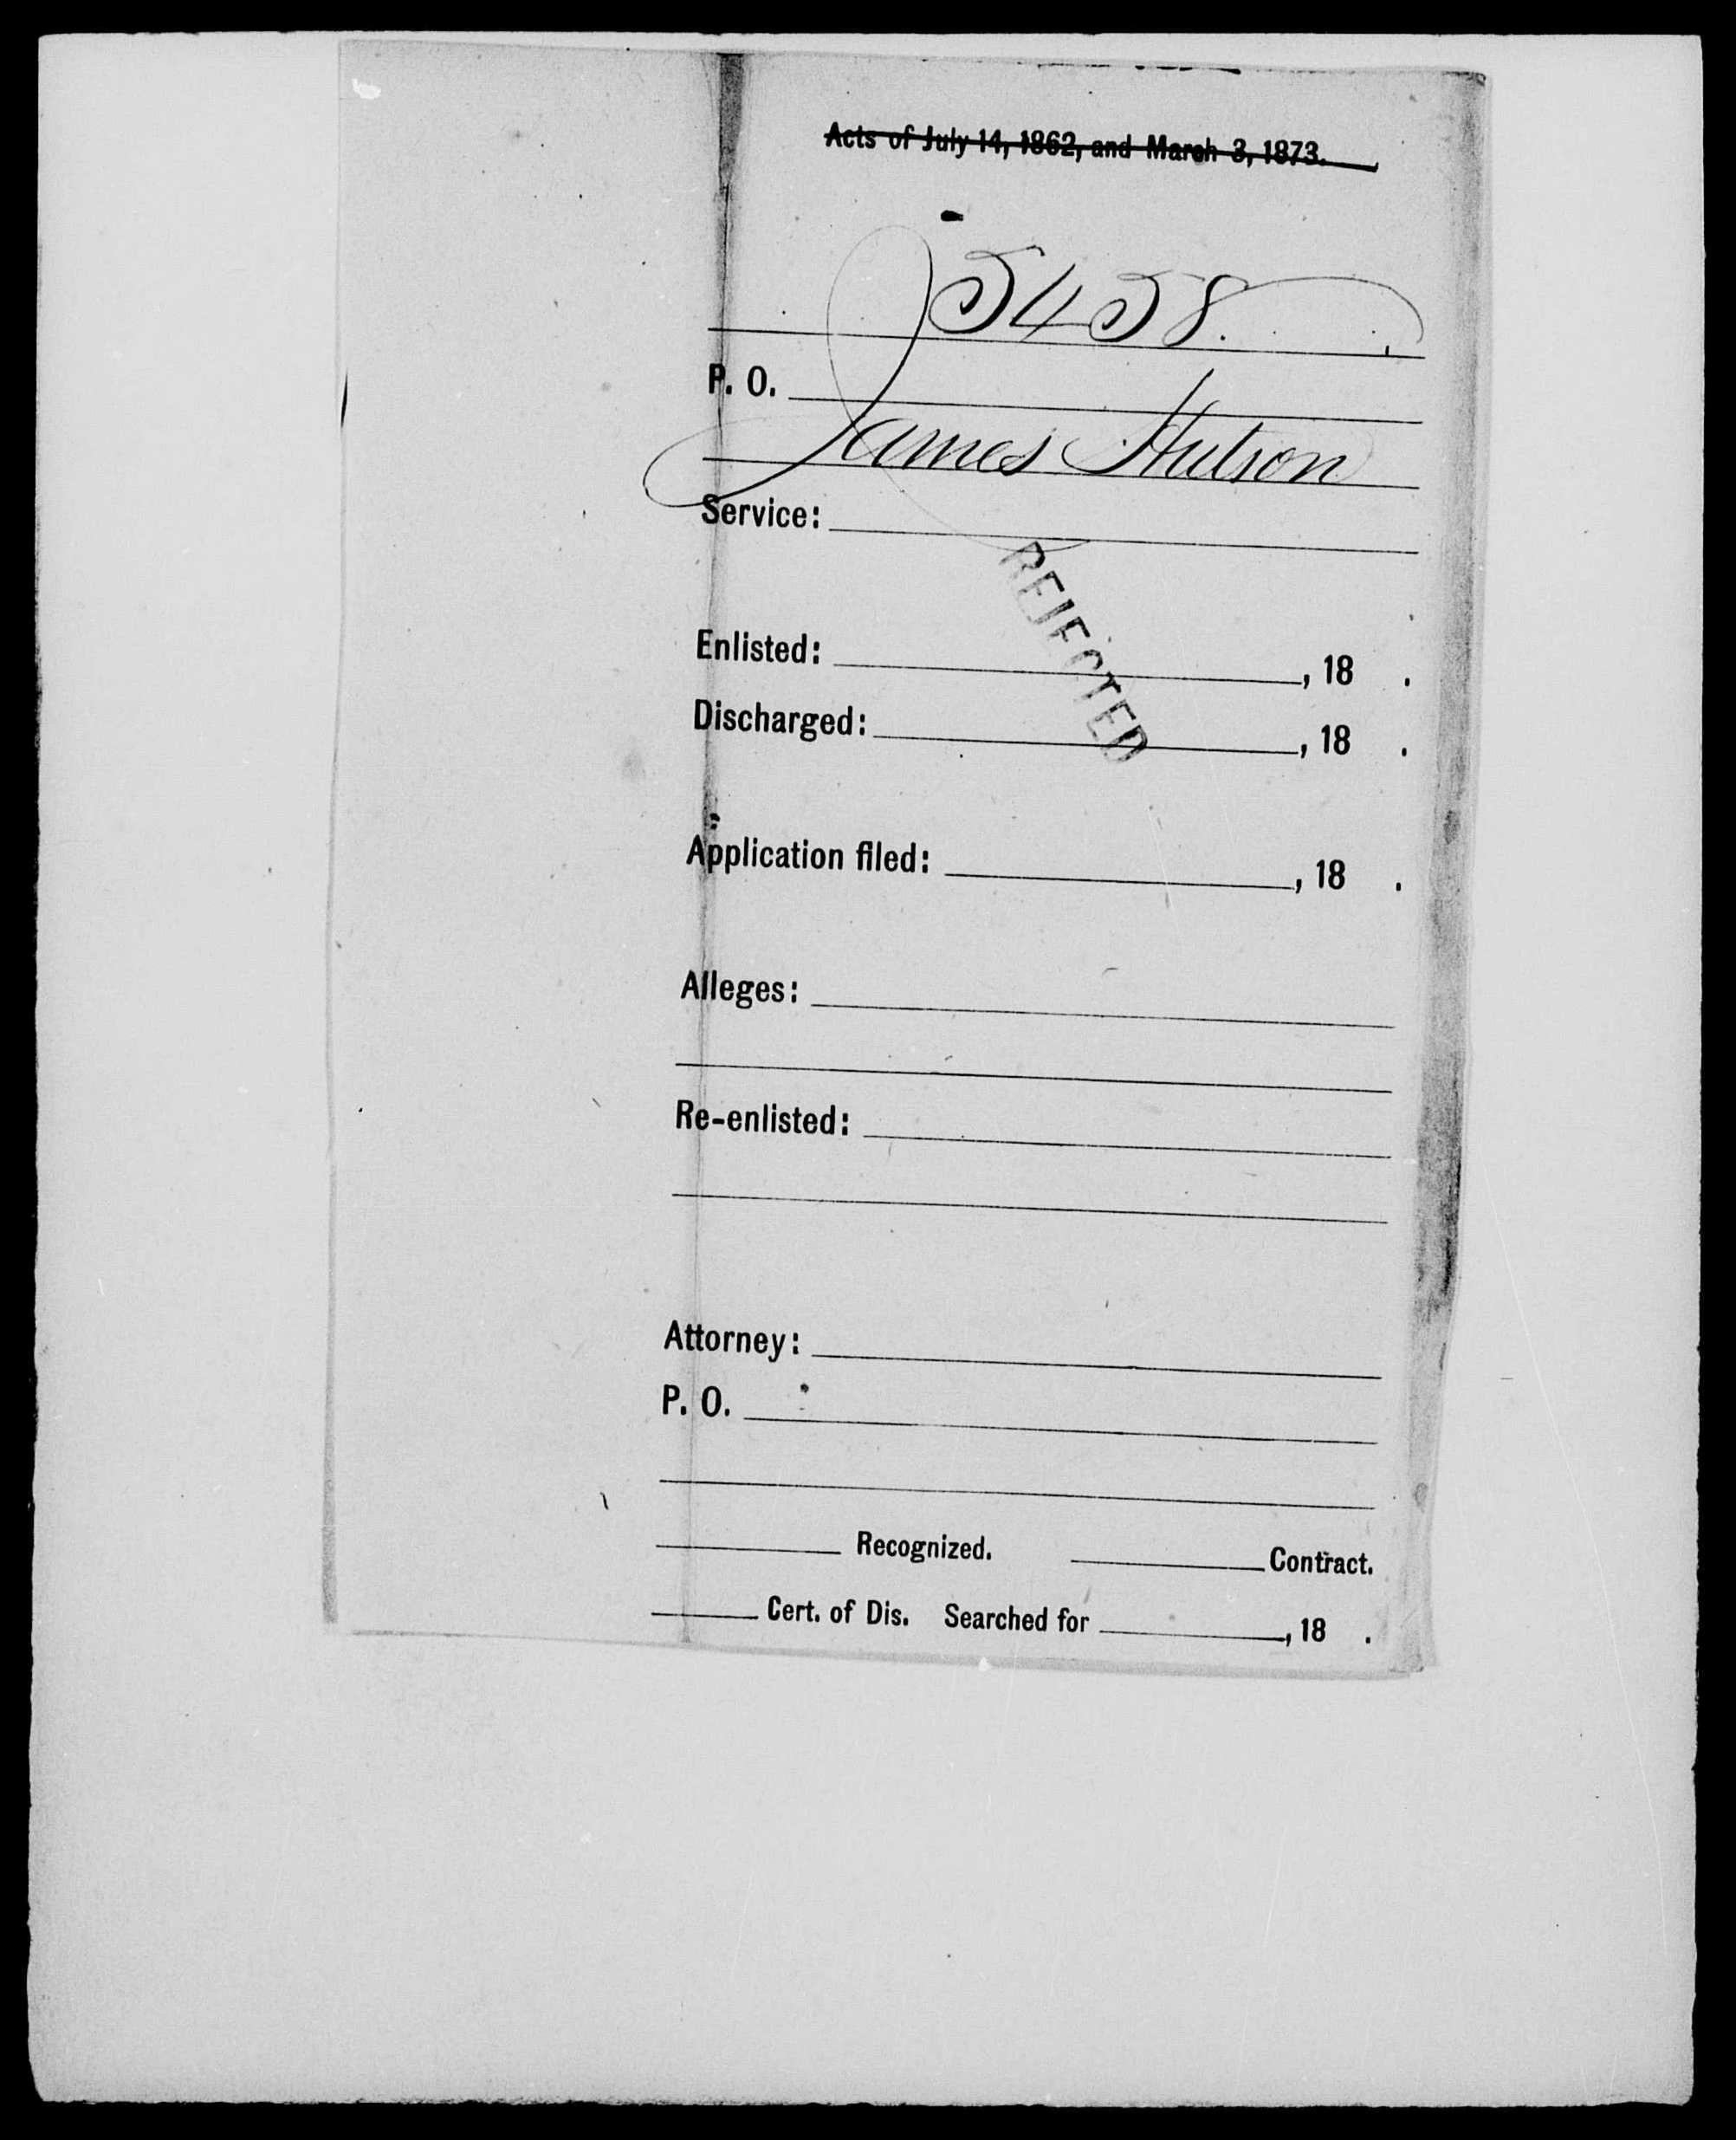[scratched out] Acts of July 14, 1862, and March 3, 1873
5458.
P.O. James Hudson
Service: ___
REJECTED
Enlisted: ___, 18
Discharged: ___, 18
Application filed: ___, 18
Alleges: ___
Re-enlisted: ___
Attorney: ___
P.O.
_____ Recognized. _____ Contract.
___ Cert. of Dis.   Searched for ___, 18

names: James Hutson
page: 21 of 33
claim: rejected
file: R. 5334, James Hudson, N.C.